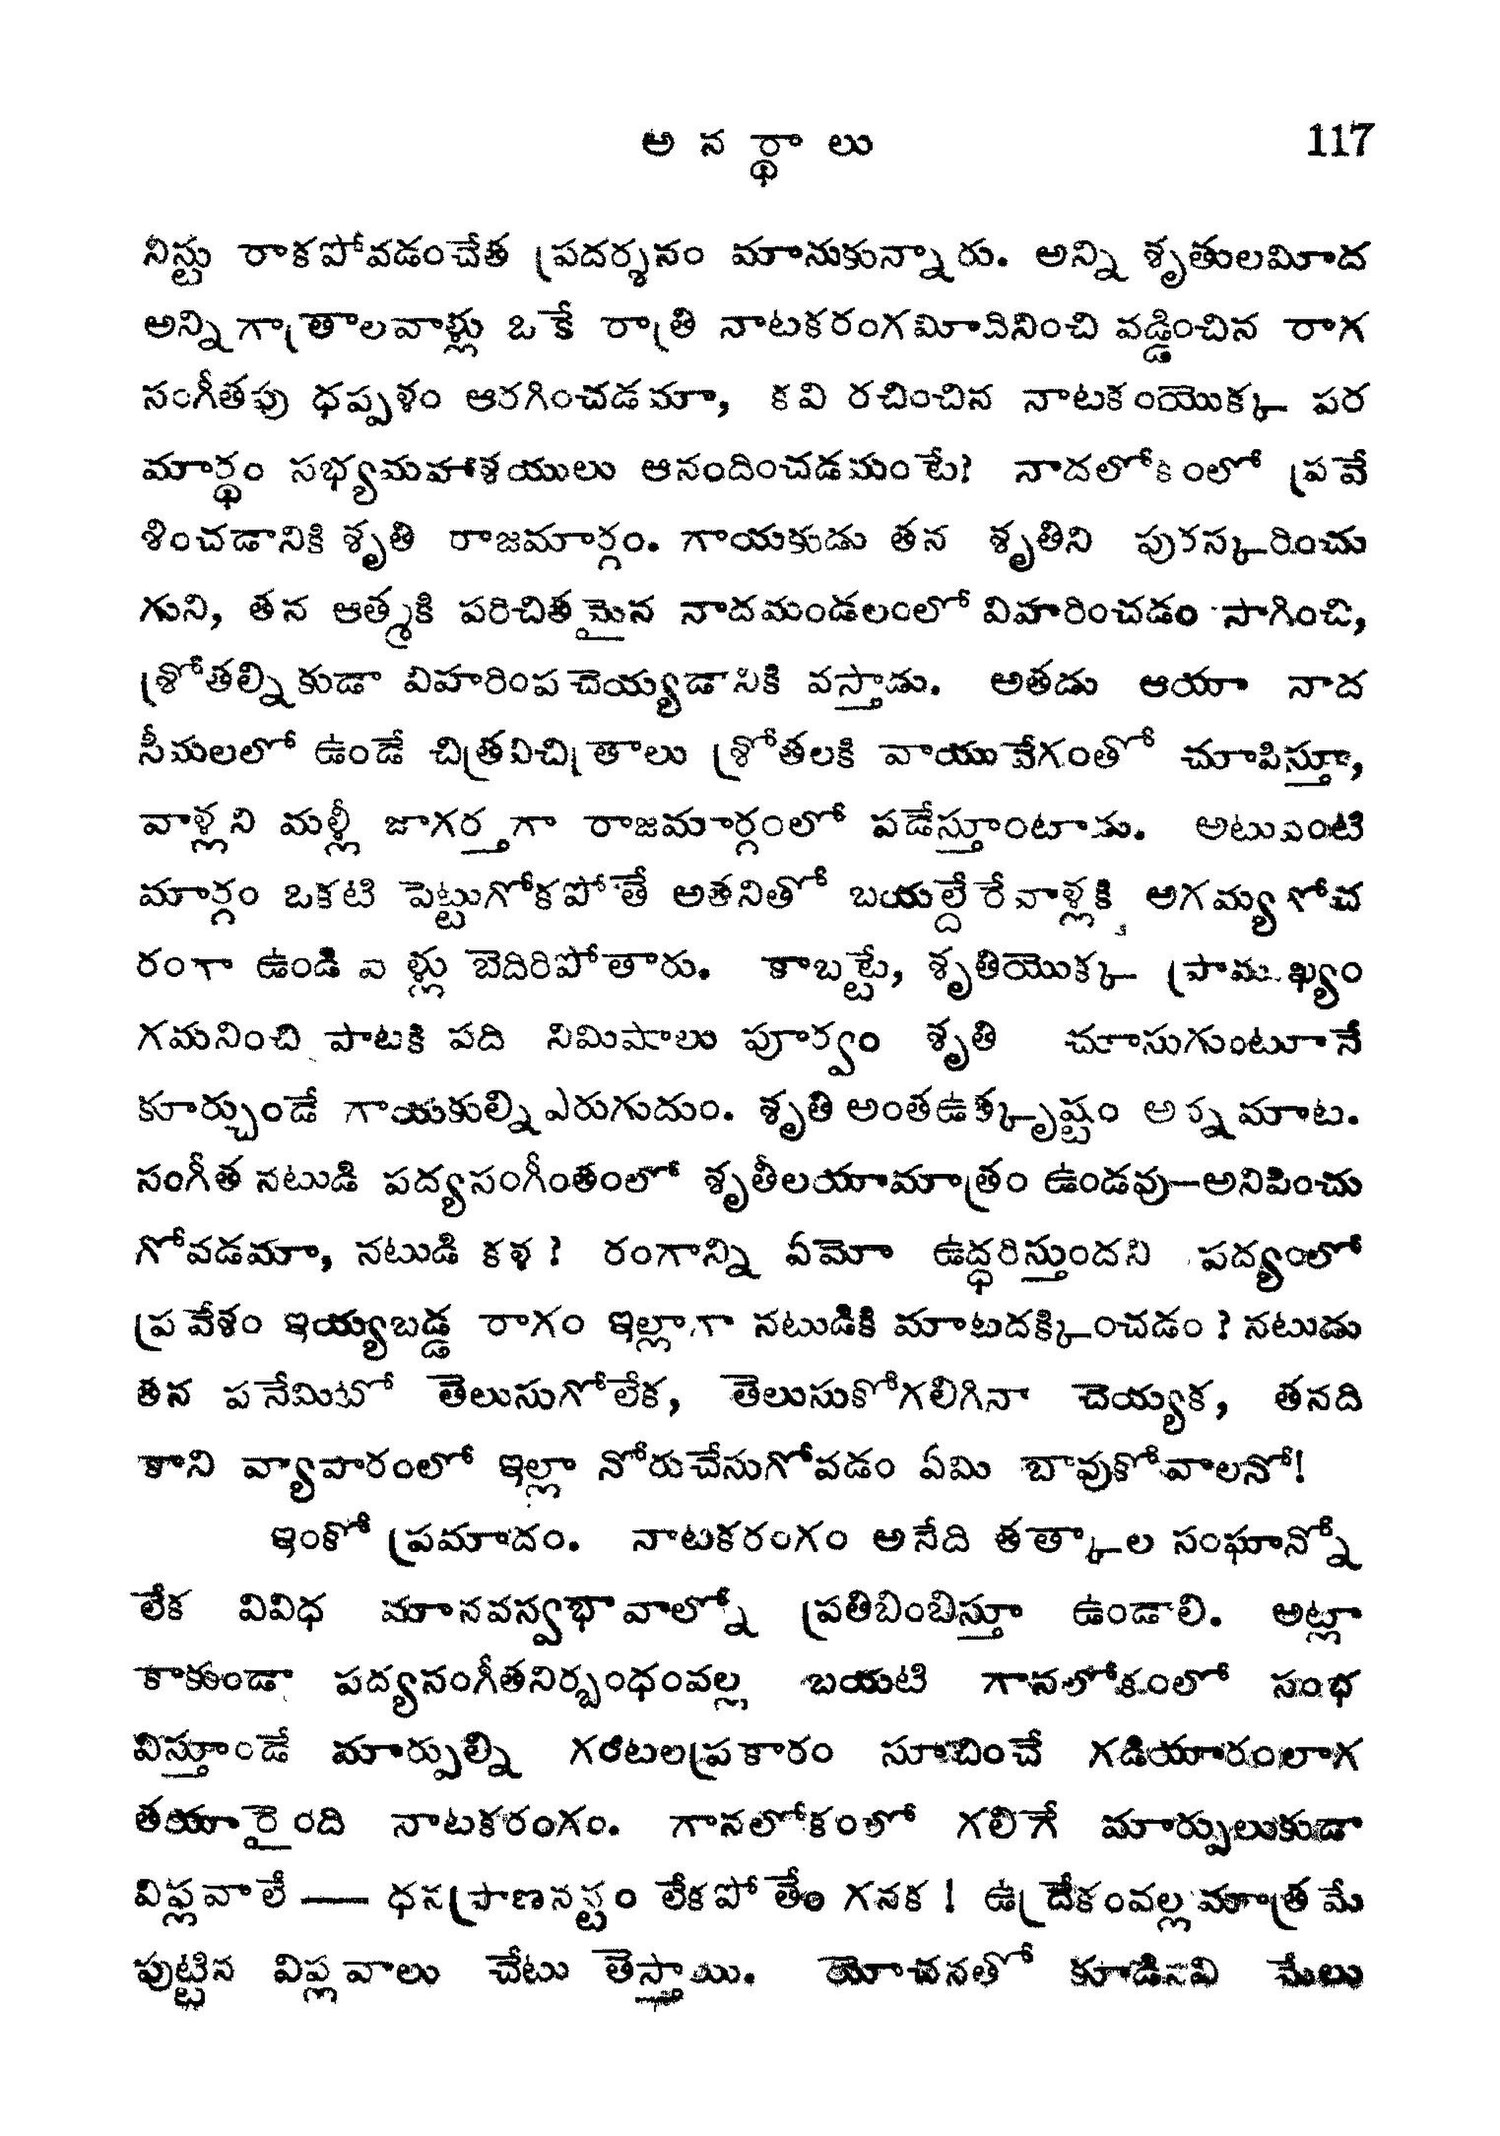నిస్టు రాకపోవడంచేత ప్రదర్శనం మానుకున్నారు. అన్ని శృతులమీద
అన్నిగాత్రాలవాళ్లు ఒకే రాత్రి నాటకరంగమీదినించి వడ్డించిన రాగ
సంగీతపు ధప్పళం ఆరగించడమా, కవి రచించిన నాటకంయొక్క పర
మార్థం సభ్యమహాశయులు ఆనందించడమంటే? నాదలోకంలో ప్రవే
శించడానికి శృతి రాజమార్గం. గాయకుడు తన శృతిని పురస్కరించు
గుని, తన ఆత్మకి పరిచితమైన నాదమండలంలో విహరించడం సాగించి,
శ్రోతల్నికుడా విహరింపచెయ్యడానికి వస్తాడు. అతడు ఆయా నాద
సీమలలో ఉండే చిత్రవిచిత్రాలు శ్రోతలకి వాయువేగంతో చూపిస్తూ,
వాళ్లని మళ్లీ జాగర్తగా రాజమార్గంలో పడేస్తూంటాడు. అటువంటి
మార్గం ఒకటి పెట్టుగోకపోతే అతనితో బయల్దేరే వాళ్లకి అగమ్యగోచ
రంగా ఉండి వాళ్లు బెదిరిపోతారు. కాబట్టే, శృతియొక్క ప్రాముఖ్యం
గమనించి పాటకి పది నిమిషాలు పూర్వం శృతి చూసుగుంటూనే
కూర్చుండే గాయకుల్ని ఎరుగుదుం. శృతి అంతఉత్కృష్టం అన్నమాట.
సంగీత నటుడి పద్యసంగీంతంలో శృతీలయామాత్రం ఉండవు - అనిపించు
గోవడమా, నటుడి కళ? రంగాన్ని ఏమో ఉద్దరిస్తుందని పద్యంలో
ప్రవేశం ఇయ్యబడ్డ రాగం ఇల్లాగా నటుడికి మాటదక్కించడం ? నటుడు
తన పనేమిటో తెలుసుగోలేక, తెలుసుకోగలిగినా చెయ్యక, తనది
కాని వ్యాపారంలో ఇల్లా నోరుచేసుగోవడం ఏమి బావుకోవాలనో!

ఇంకో ప్రమాదం. నాటకరంగం అనేది తత్కాల సంఘాన్నో
లేక వివిధ మానవస్వభావాల్నో ప్రతిబింబిస్తూ ఉండాలి. అట్లా
కాకుండా పద్యసంగీతనిర్బంధంవల్ల బయటి గానలోకంలో సంభ
విస్తూండే మార్పుల్ని గంటలప్రకారం సూచించే గడియారంలాగ
తయారైంది నాటకరంగం. గానలోకంలో గలిగే మార్పులుకుడా
విప్లవాలే —— ధనప్రాణనష్టం లేకపోతేం గనక ! ఉద్రేకంవల్లమాత్రమే
పుట్టిన విప్లవాలు చేటు తెస్తాయి. యోచనతో కూడినవి మేలు